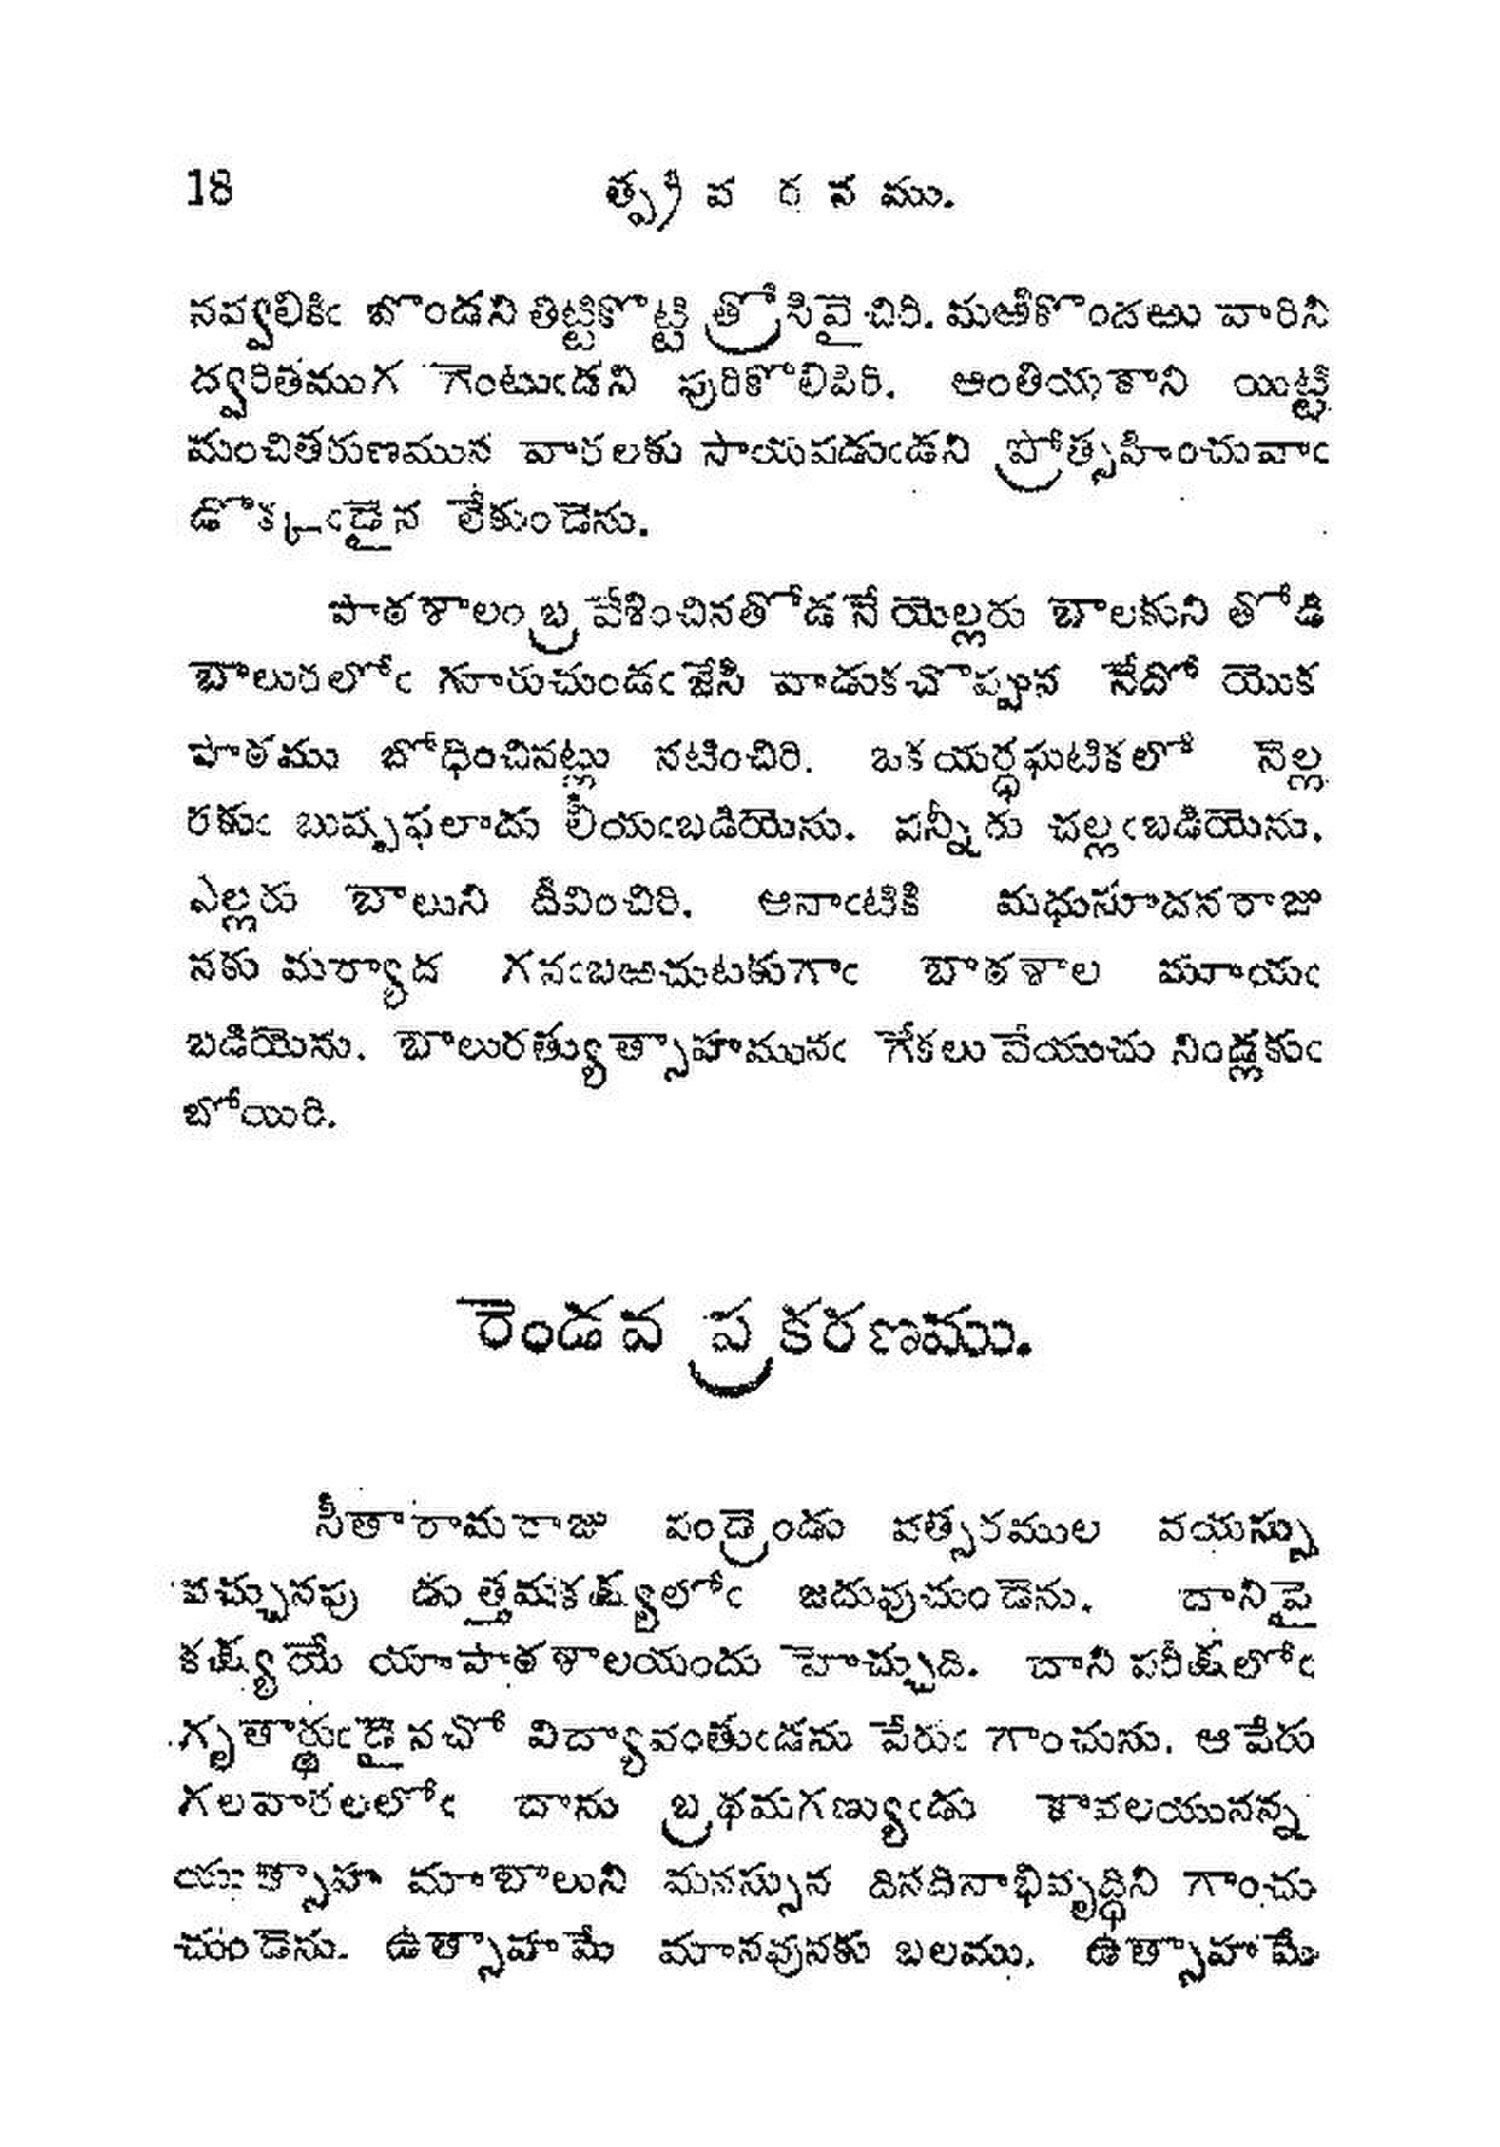నవ్వలికిఁ బొండని తిట్టికొట్టి తోసివైచిరి. మణికొందఱు వారిని ద్వరితముగ గెంటుఁడని పురికొలిపిరి, అంతియకాని యిట్టి మంచితరుణమున వారలకు సాయపడుఁడని ప్రోత్సహించువాఁ డొక్కఁడైన లేకుండెను.

పాఠశాలం బ్రవేశించినతోడ నే యెల్లరు 'బాలకుని తోడి బాలురలోఁ గూరుచుండఁ జేసి వాడుక చొప్పున 'నేదో యొక పొఠము బోధించినట్లు నటించిరి. ఒక యర్ధ ఘటికలో నెల్లరకు బుష్పఫలాదు లీయఁబడియెను. పన్నీరు చల్లఁబడియెను, ఎల్లరు బాలుని దీవించిరి, ఆనాఁటికి మధుసూదనరాజు నకు మర్యాద గనఁబఱచుటకుగాఁ బాఠశాల మూయఁ బడియెను. బాలురత్యుత్సాహమునఁ గేకలు వేయుచు నిండ్లకుఁ బోయిరి.

రెండవ ప్రకరణము.

సీతారామ రాజు పండ్రెండు వత్సరముల వయస్సు 'వచ్చునపు డుత్తమకక్ష్యలోఁ జదువుచుండెను. దానిపై కక్ష్యయే యా పాఠశాలయందు హెచ్చుది. దానీ పరీక్షలో గృతార్జుఁడైనచో విద్యావంతుఁడను పేరుఁ గాంచును. ఆ పేరు గలవారలలోఁ దాను బ్రథమగణ్యుఁడు కావలయునన్న యుత్సాహ కాబోలుని మనస్సున దినదినాభివృద్ధిని గాంచు చుండెను. ఉత్సాహమే మానవునకు బలము, ఉత్సాహమే